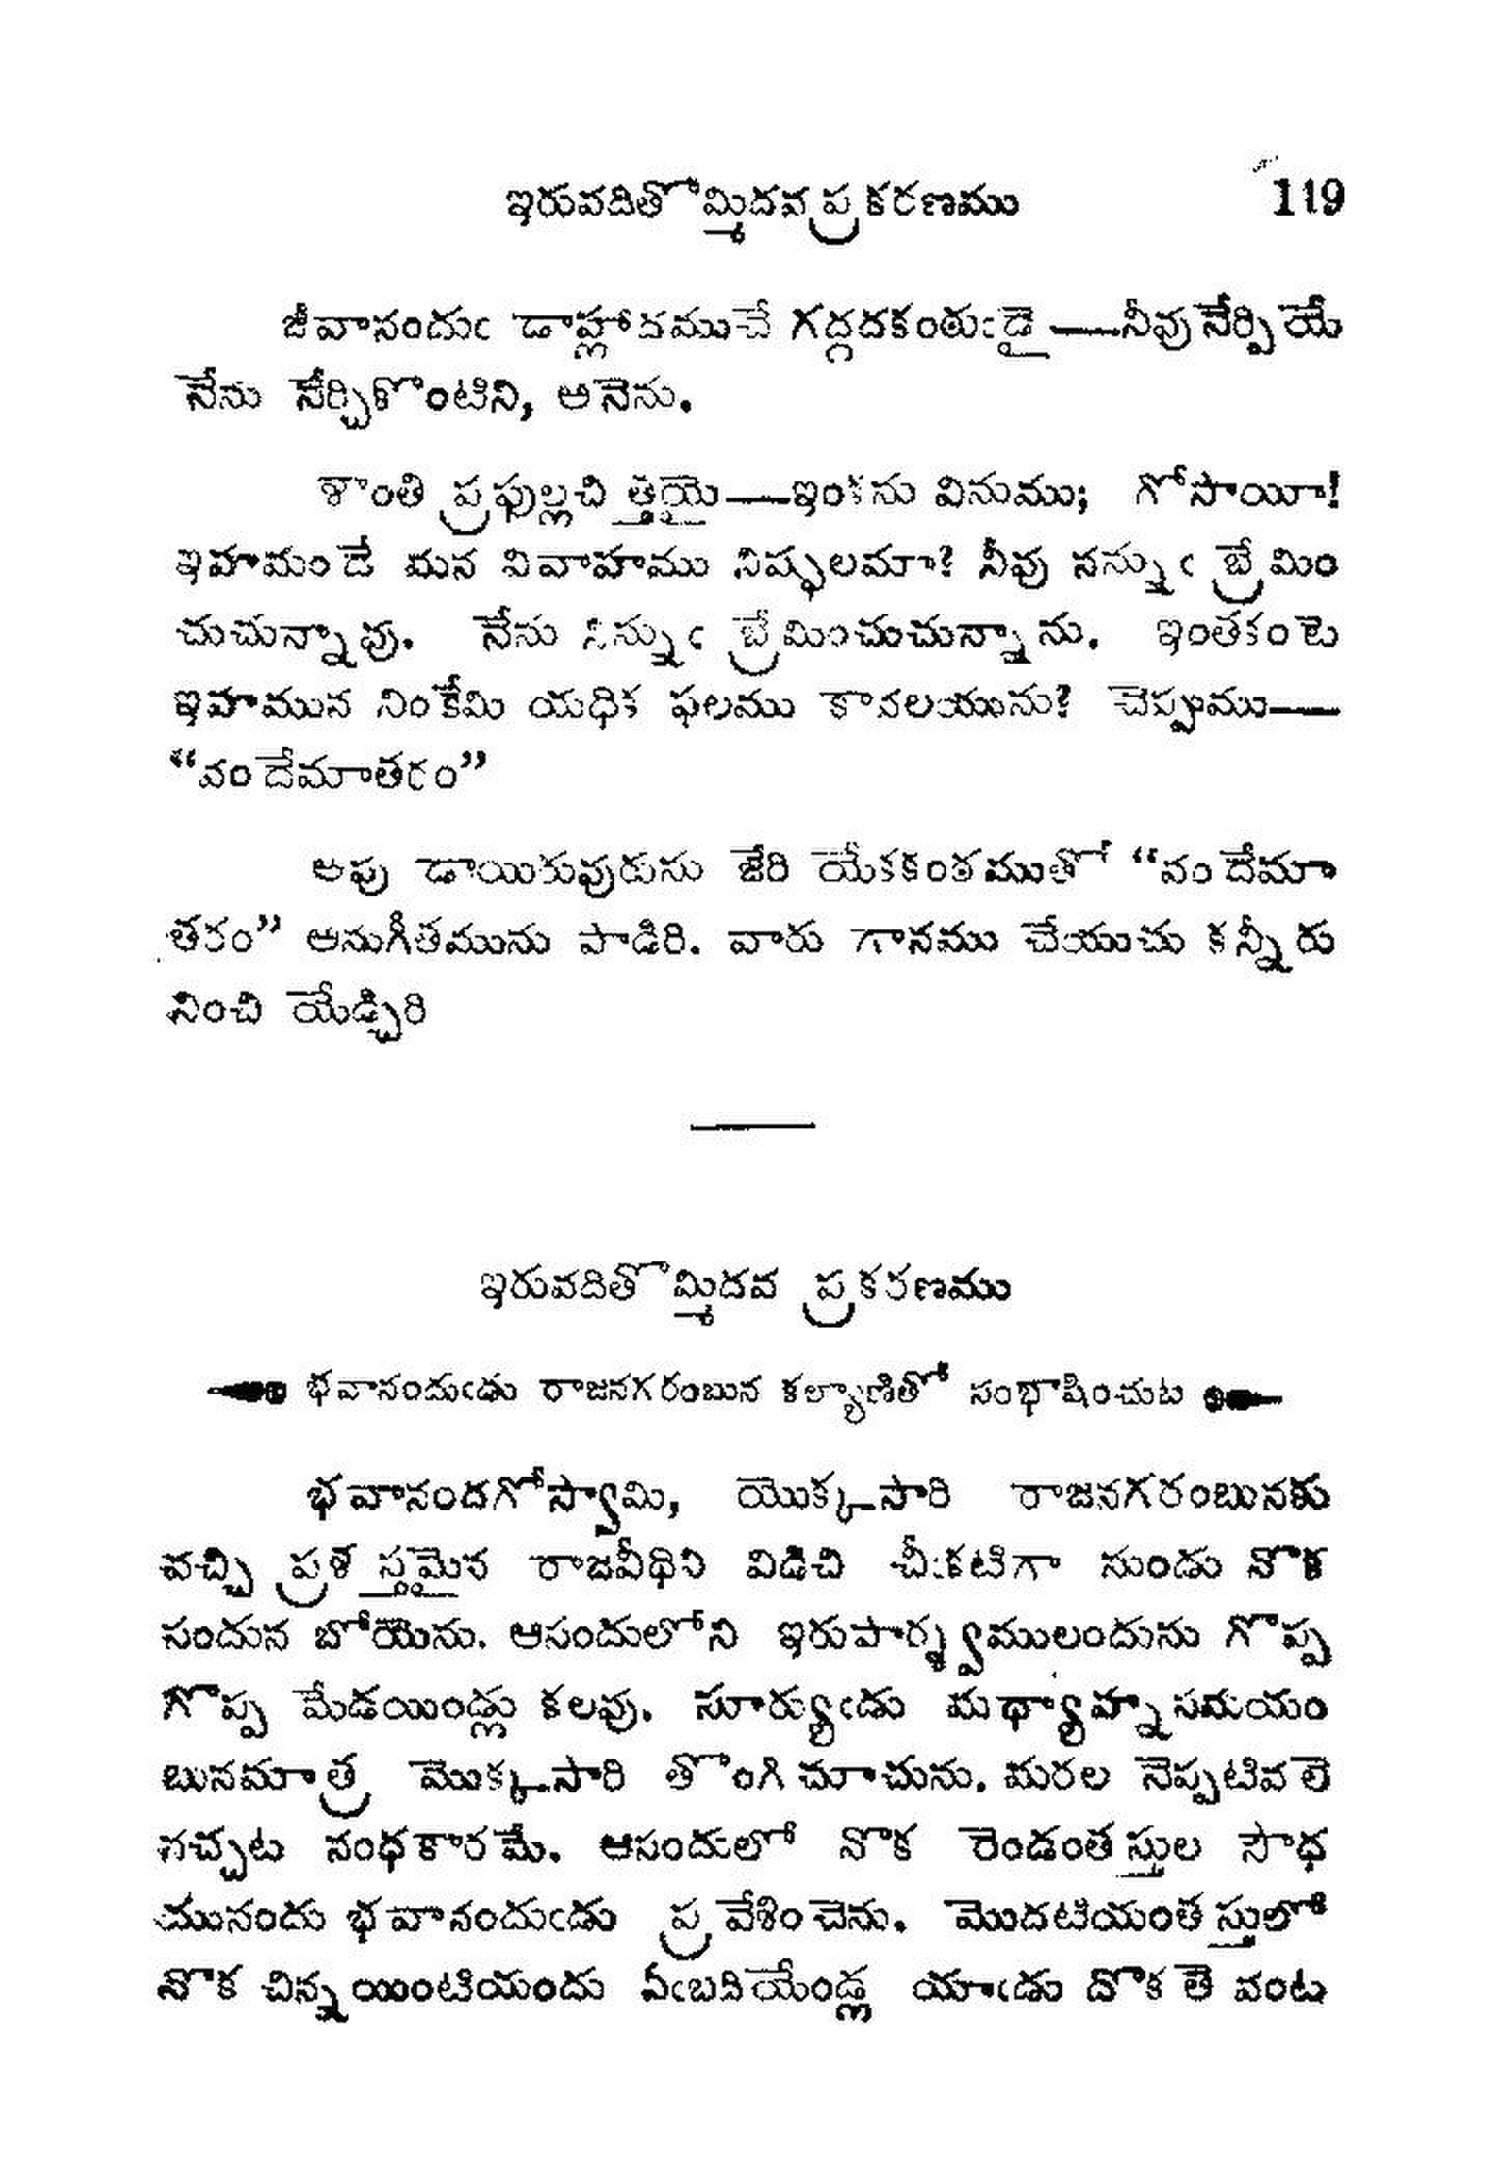జీవానందుఁ డాహ్లాదముచే గద్గదకంఠుఁడై—— నీవు నేర్పియే నేను నేర్చికొంటిని, అనెను.

శాంతి ప్రఫుల్లచిత్తయై——ఇంకను వినుము; గోసాయీ! ఇహమందే మన వివాహము నిష్ఫలమా? నీవు నన్నుఁ బ్రేమిం
చుచున్నావు. నేను నిన్నుఁ బ్రేమించుచున్నాను. ఇంతకంటే ఇహమున నింకేమి యధిక ఫలము కావలయును? చెప్పుము——“వందేమాతరం”

అపు డాయిరువురును జేరి యేకకంఠముతో “వందేమాతరం” అనుగీతమును పాడిరి. వారు గానము చేయుచు కన్నీరు
నించి యేడ్చిరి

ఇరువది తొమ్మిదవ ప్రకరణము,

భవానందుఁడు రాజనగరంబున కల్యాణితో సంభాషించుట

భవానందగోస్వామి, యొక్కసారి రాజనగరంబునకు వచ్చి ప్రశస్తమైన రాజవీథిని విడిచి చీఁకటిగా నుండు నొక సందున బోయెను. ఆసందులోని ఇరుపార్శ్వములందును గొప్ప గొప్ప మేడయిండ్లు కలవు. సూర్యుఁడు మధ్యాహ్న సమయంబునమాత్ర మొక్కసారి తొంగి చూచును. మరల నెప్పటివలె నచ్చట నంధకారమే. ఆసందులో నొక రెండంతస్తుల సౌధమునందు భవానందుఁడు ప్రవేశించెను. మొదటియంతస్తులో నొక చిన్న యింటియందు ఏఁబది యేండ్ల యాఁడు దొకతె వంట